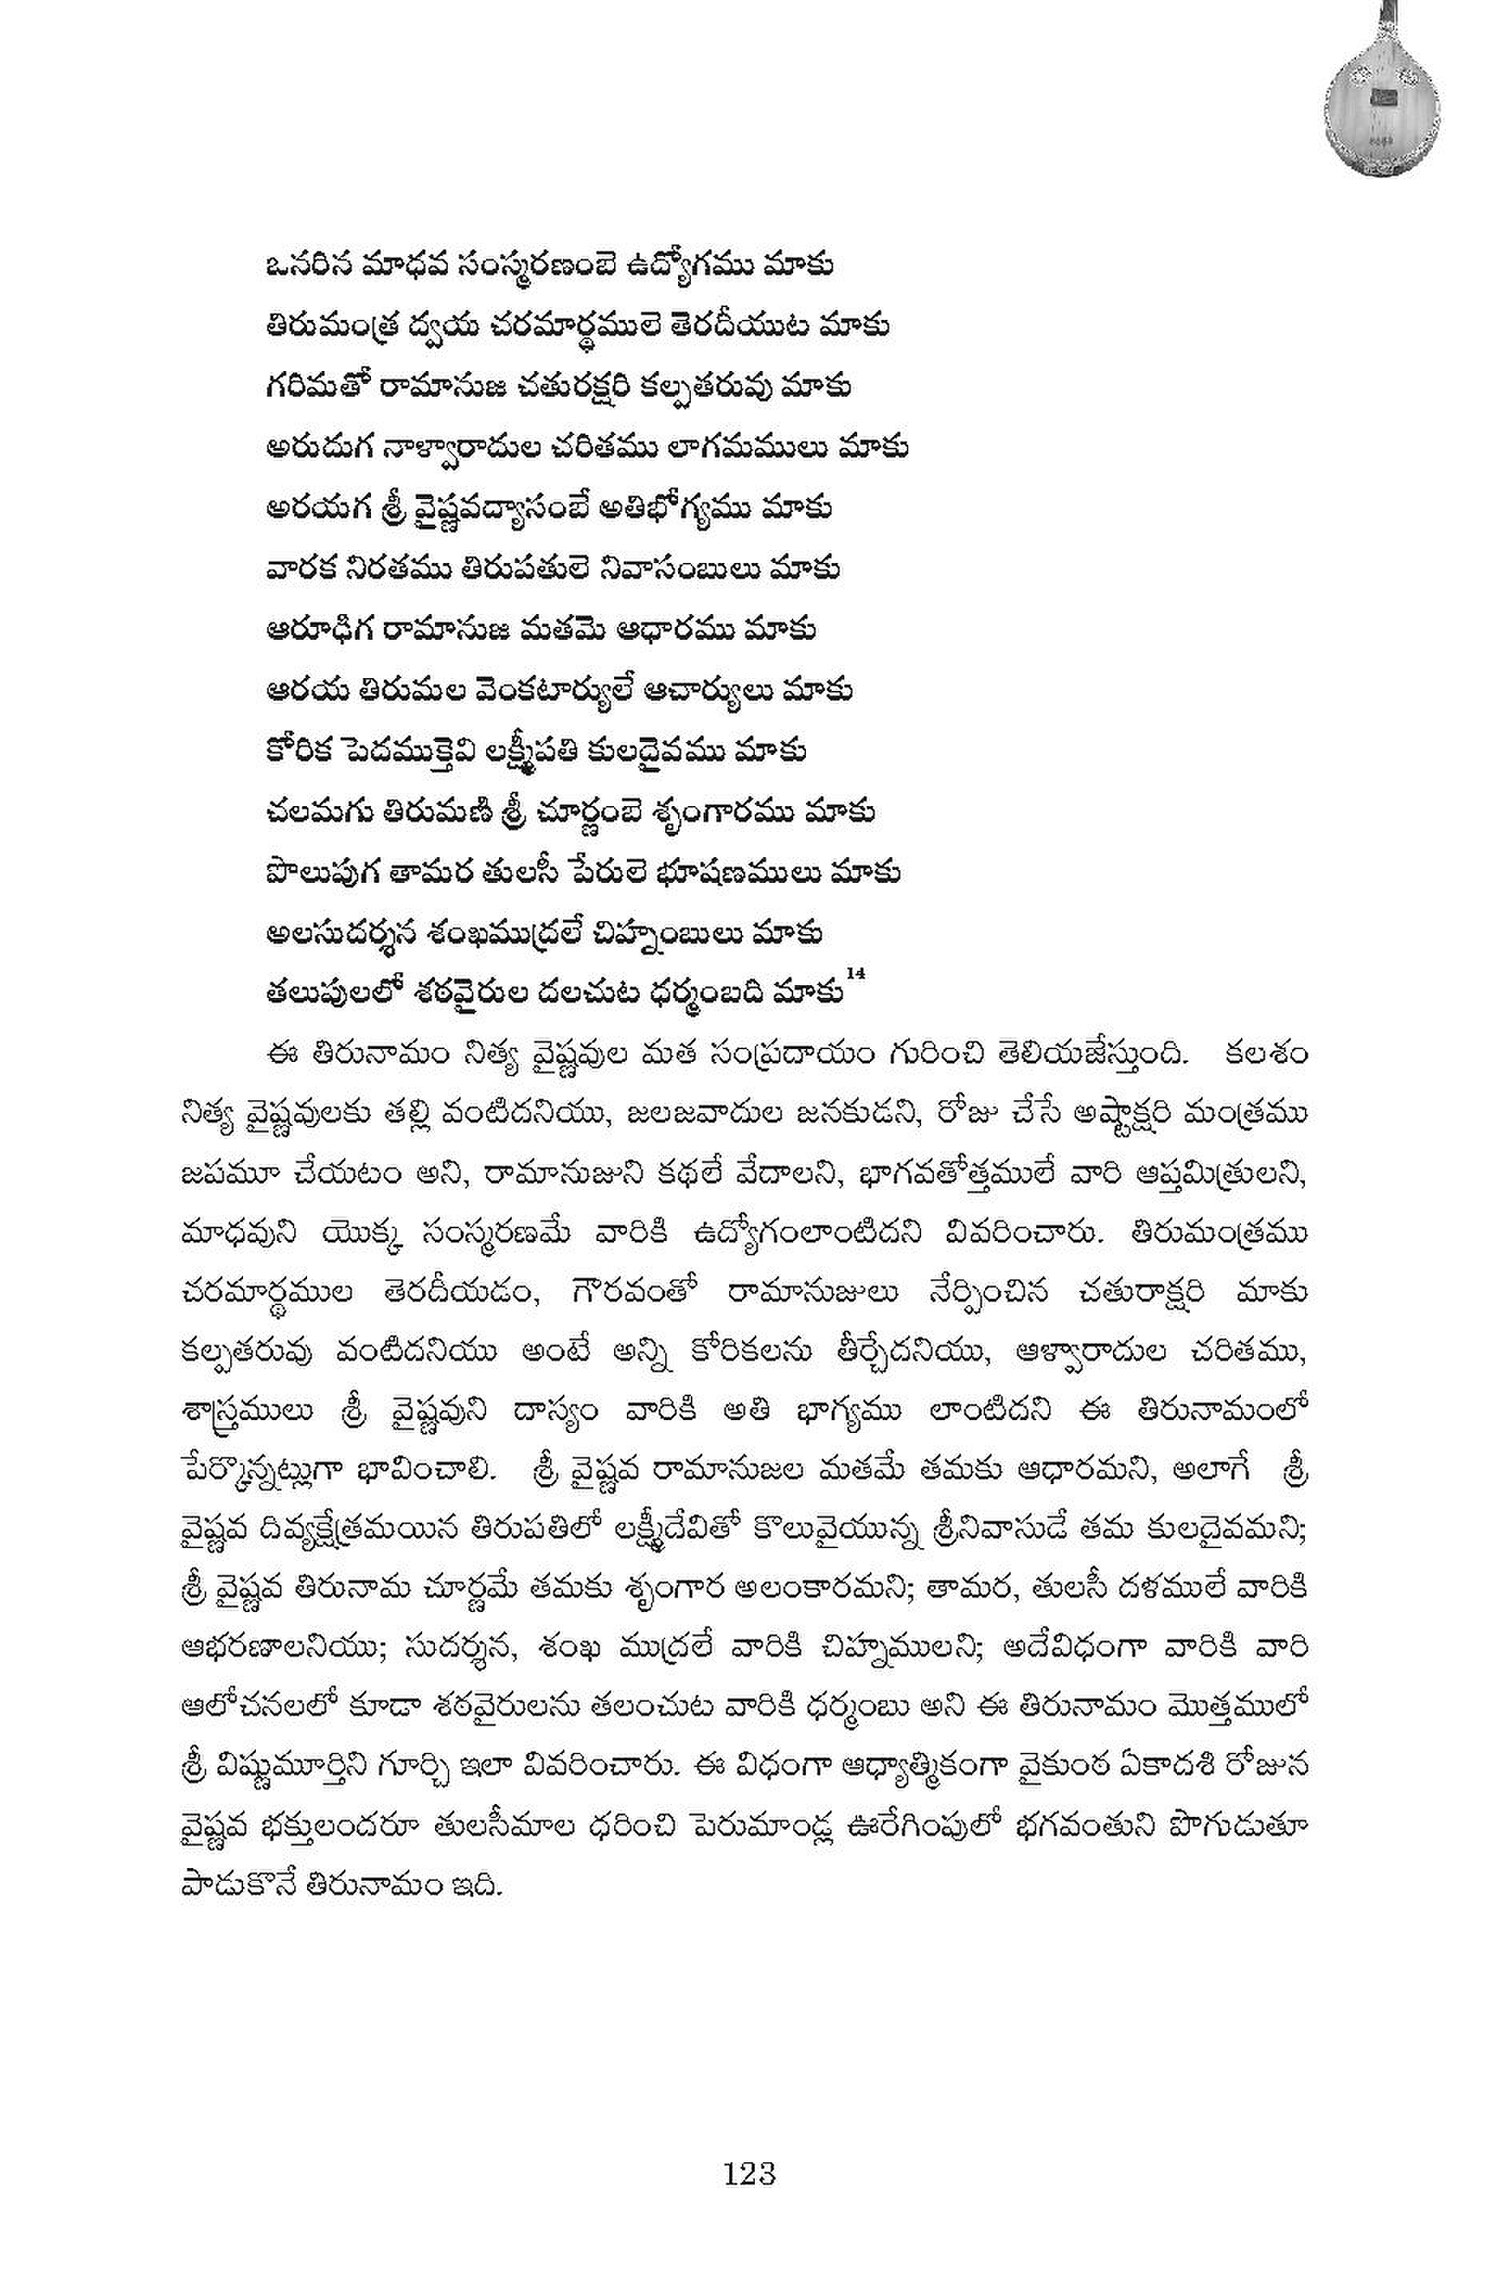ఒనరిన మాధవ సంస్మరణంబె ఉద్యోగము మాకు
తిరుమంత్ర ద్వయ చరమార్థములె తెరదీయుట మాకు
గరిమతో రామానుజ చతురక్షరి కల్పతరువు మాకు
అరుదుగ నాళ్వారాదుల చరితము లాగమములు మాకు
అరయగ శ్రీ వైష్ణవద్యాసంబే అతిభోగ్యము మాకు
వారక నిరతము తిరుపతులె నివాసంబులు మాకు
ఆరూఢిగ రామానుజ మతమె ఆధారము మాకు
ఆరయ తిరుమల వెంకటార్యులే ఆచార్యులు మాకు
కోరిక పెదముక్తేవి లక్ష్మీపతి కులదైవము మాకు
చలమగు తిరుమణి శ్రీ చూర్ణంబె శృంగారము మాకు
పొలుపుగ తామర తులసీ పేరులె భూషణములు మాకు
అలసుదర్శన శంఖముద్రలే చిహ్నంబులు మాకు
తలుపులలో శరవైరుల దలచుట ధర్మంబది మాకు14

ఈ తిరునామం నిత్య వైష్ణవుల మత సంప్రదాయం గురించి తెలియజేస్తుంది. కలశం నిత్య వైష్ణవులకు తల్లి వంటిదనియు, జలజవాదుల జనకుడని, రోజు చేసే అష్టాక్షరి మంత్రము జపమూ చేయటం అని, రామానుజుని కథలే వేదాలని, భాగవతోత్తములే వారి ఆప్తమిత్రులని, మాధవుని యొక్క సంస్మరణమే వారికి ఉద్యోగంలాంటిదని వివరించారు. తిరు మంత్రము చరమార్థముల తెరదీయడం, గౌరవంతో రామానుజులు నేర్పించిన చతురాక్షరి మాకు కల్పతరువు వంటిదనియు అంటే అన్ని కోరికలను తీర్చేదనియు, ఆళ్వారాదుల చరితము, శాస్త్రములు శ్రీ వైష్ణవుని దాస్యం వారికి అతి భాగ్యము లాంటిదని ఈ తిరునామంలో పేర్కొన్నట్లుగా భావించాలి. శ్రీ వైష్ణవ రామానుజల మతమే తమకు ఆధారమని, అలాగే
వైష్ణవ దివ్యక్షేత్రమయిన తిరుపతిలో లక్ష్మీదేవితో కొలువైయున్న శ్రీనివాసుడే తమ కులదైవమని; శ్రీ వైష్ణవ తిరునామ చూర్ణమే తమకు శృంగార అలంకారమని; తామర, తులసీ దళములే వారికి ఆభరణాలనియు; సుదర్శన, శంఖ ముద్రలే వారికి చిహ్నములని; అదేవిధంగా వారికి వారి ఆలోచనలలో కూడా శరవైరులను తలంచుట వారికి ధర్మంబు అని ఈ తిరునామం మొత్తములో శ్రీ విష్ణుమూర్తిని గూర్చి ఇలా వివరించారు. ఈ విధంగా ఆధ్యాత్మికంగా వైకుంఠ ఏకాదశి రోజున
వైష్ణవ భక్తులందరూ తులసీమాల ధరించి పెరుమాండ్ల ఊరేగింపులో భగవంతుని పొగుడుతూ పాడుకొనే తిరునామం ఇది.